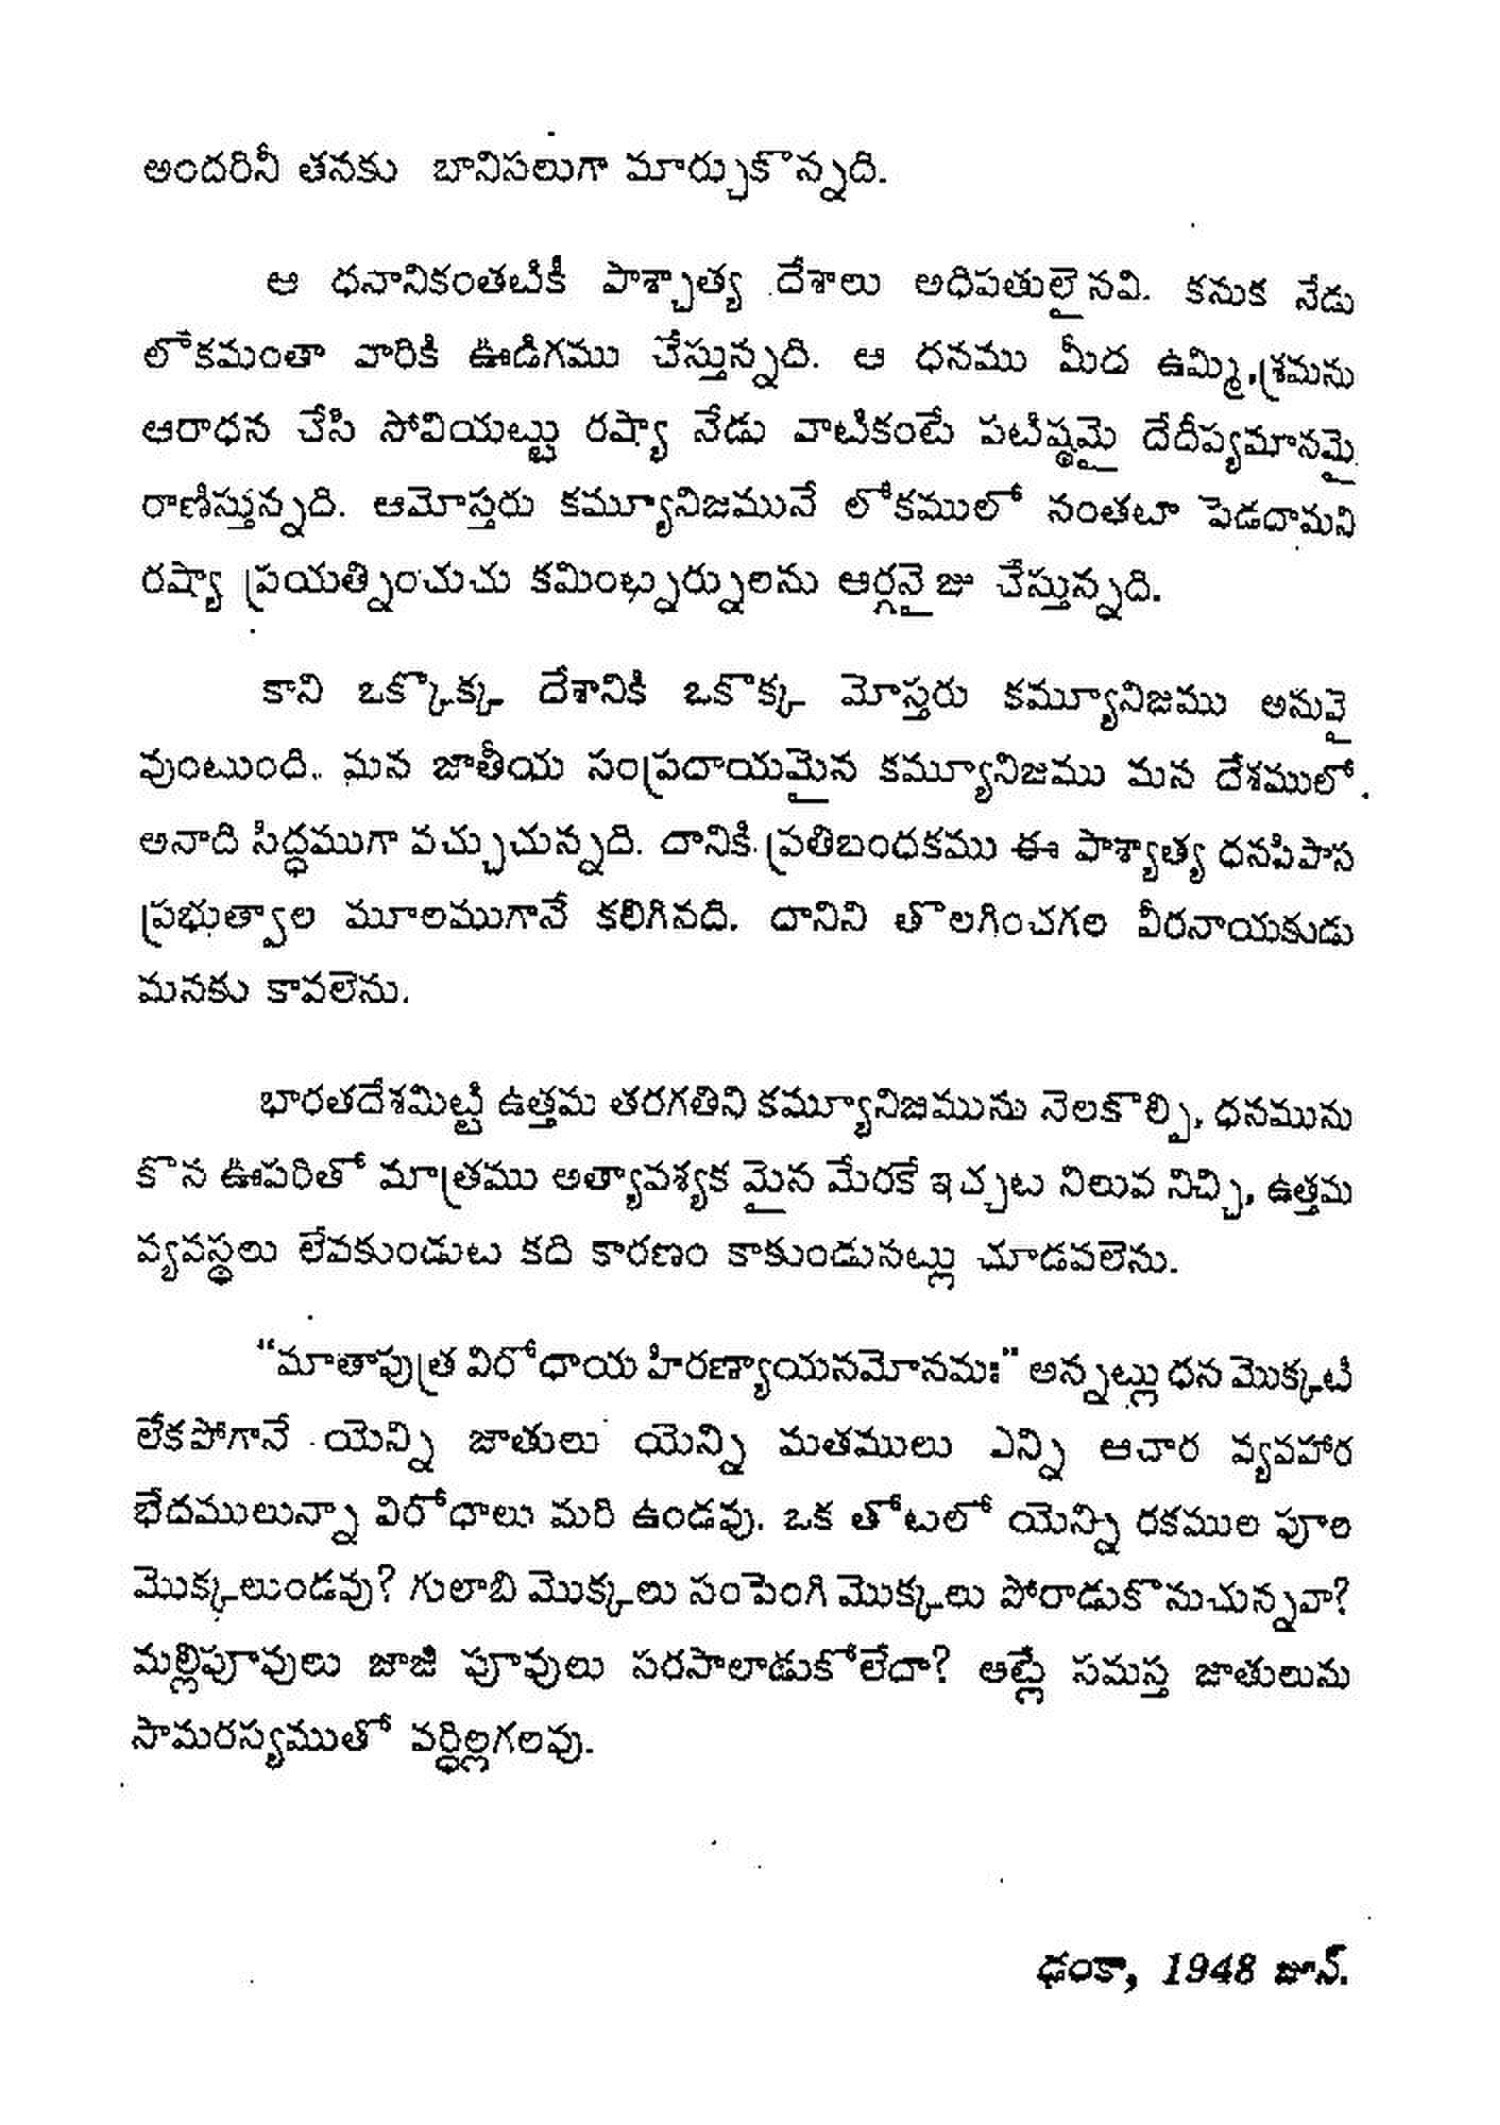అందరినీ తనకు బానిసలుగా మార్చుకొన్నది.

ఆ ధనానికంతటికీ పాశ్చాత్య దేశాలు అధిపతులైనవి. కనుక నేడు లోకమంతా వారికి ఊడిగము చేస్తున్నది. ఆ ధనము మీద ఉమ్మి, శ్రమను అరాధన చేసి సోవియట్టు రష్యా నేడు వాటికంటే పటిష్టమై దేదీప్యమానమై రాణిస్తున్నది. ఆమోస్తరు కమ్యూనిజమునే లోకములో నంతటా పెడదామని రష్యా ప్రయత్నించుచు కమింట్నర్నులను ఆర్గనైజు చేస్తున్నది.

కాని ఒక్కొక్క దేశానికి ఒక్కొక్క మోస్తరు కమ్యూనిజము అనువై వుంటుంది. మన జాతీయ సంప్రదాయమైన కమ్యూనిజము మన దేశములో అనాది సిద్ధముగా వచ్చుచున్నది. దానికి ప్రతిబంధకము ఈ పాశ్చాత్యధనపిపాస ప్రభుత్వాల మూలముగానే కలిగినది. దానిని తొలగించగల వీరనాయకుడు మనకు కావలెను.

భారతదేశమిట్టి ఉత్తమ తరగతిని కమ్యూనిజమునకు నెలకొల్పి, ధనమును కొన ఊపిరితో మాత్రము అత్యావశ్యకమైన మేరకే ఇచ్చట నిలువ నిచ్చి, ఉత్తమ వ్యవస్థలు లేవకుండుట కది కారణం కాకుండునట్లు చూడవలెను.

"మాతాపుత్ర విరోధాయ హిరణ్యాయనమోనమః" అన్నట్లు ధన మొక్కటి లేకపోగానే యెన్ని జాతులు యెన్ని మతములు ఎన్ని ఆచార వ్యవహార భేదములున్నా విరోధాలు మరి ఉండవు. ఒక తోటలో యెన్ని రకముల పూల మొక్కలుండవు? గులాబీ మొక్కలు సంపెంగి మొక్కలు పోరాడుకొనుచున్నవా? మల్లిపూవులు జాజి పూవులు సరసాలాడుకోలేదా? అట్లే సమస్త జాతులును సామరస్యముతో వర్ధిల్లగలవు.